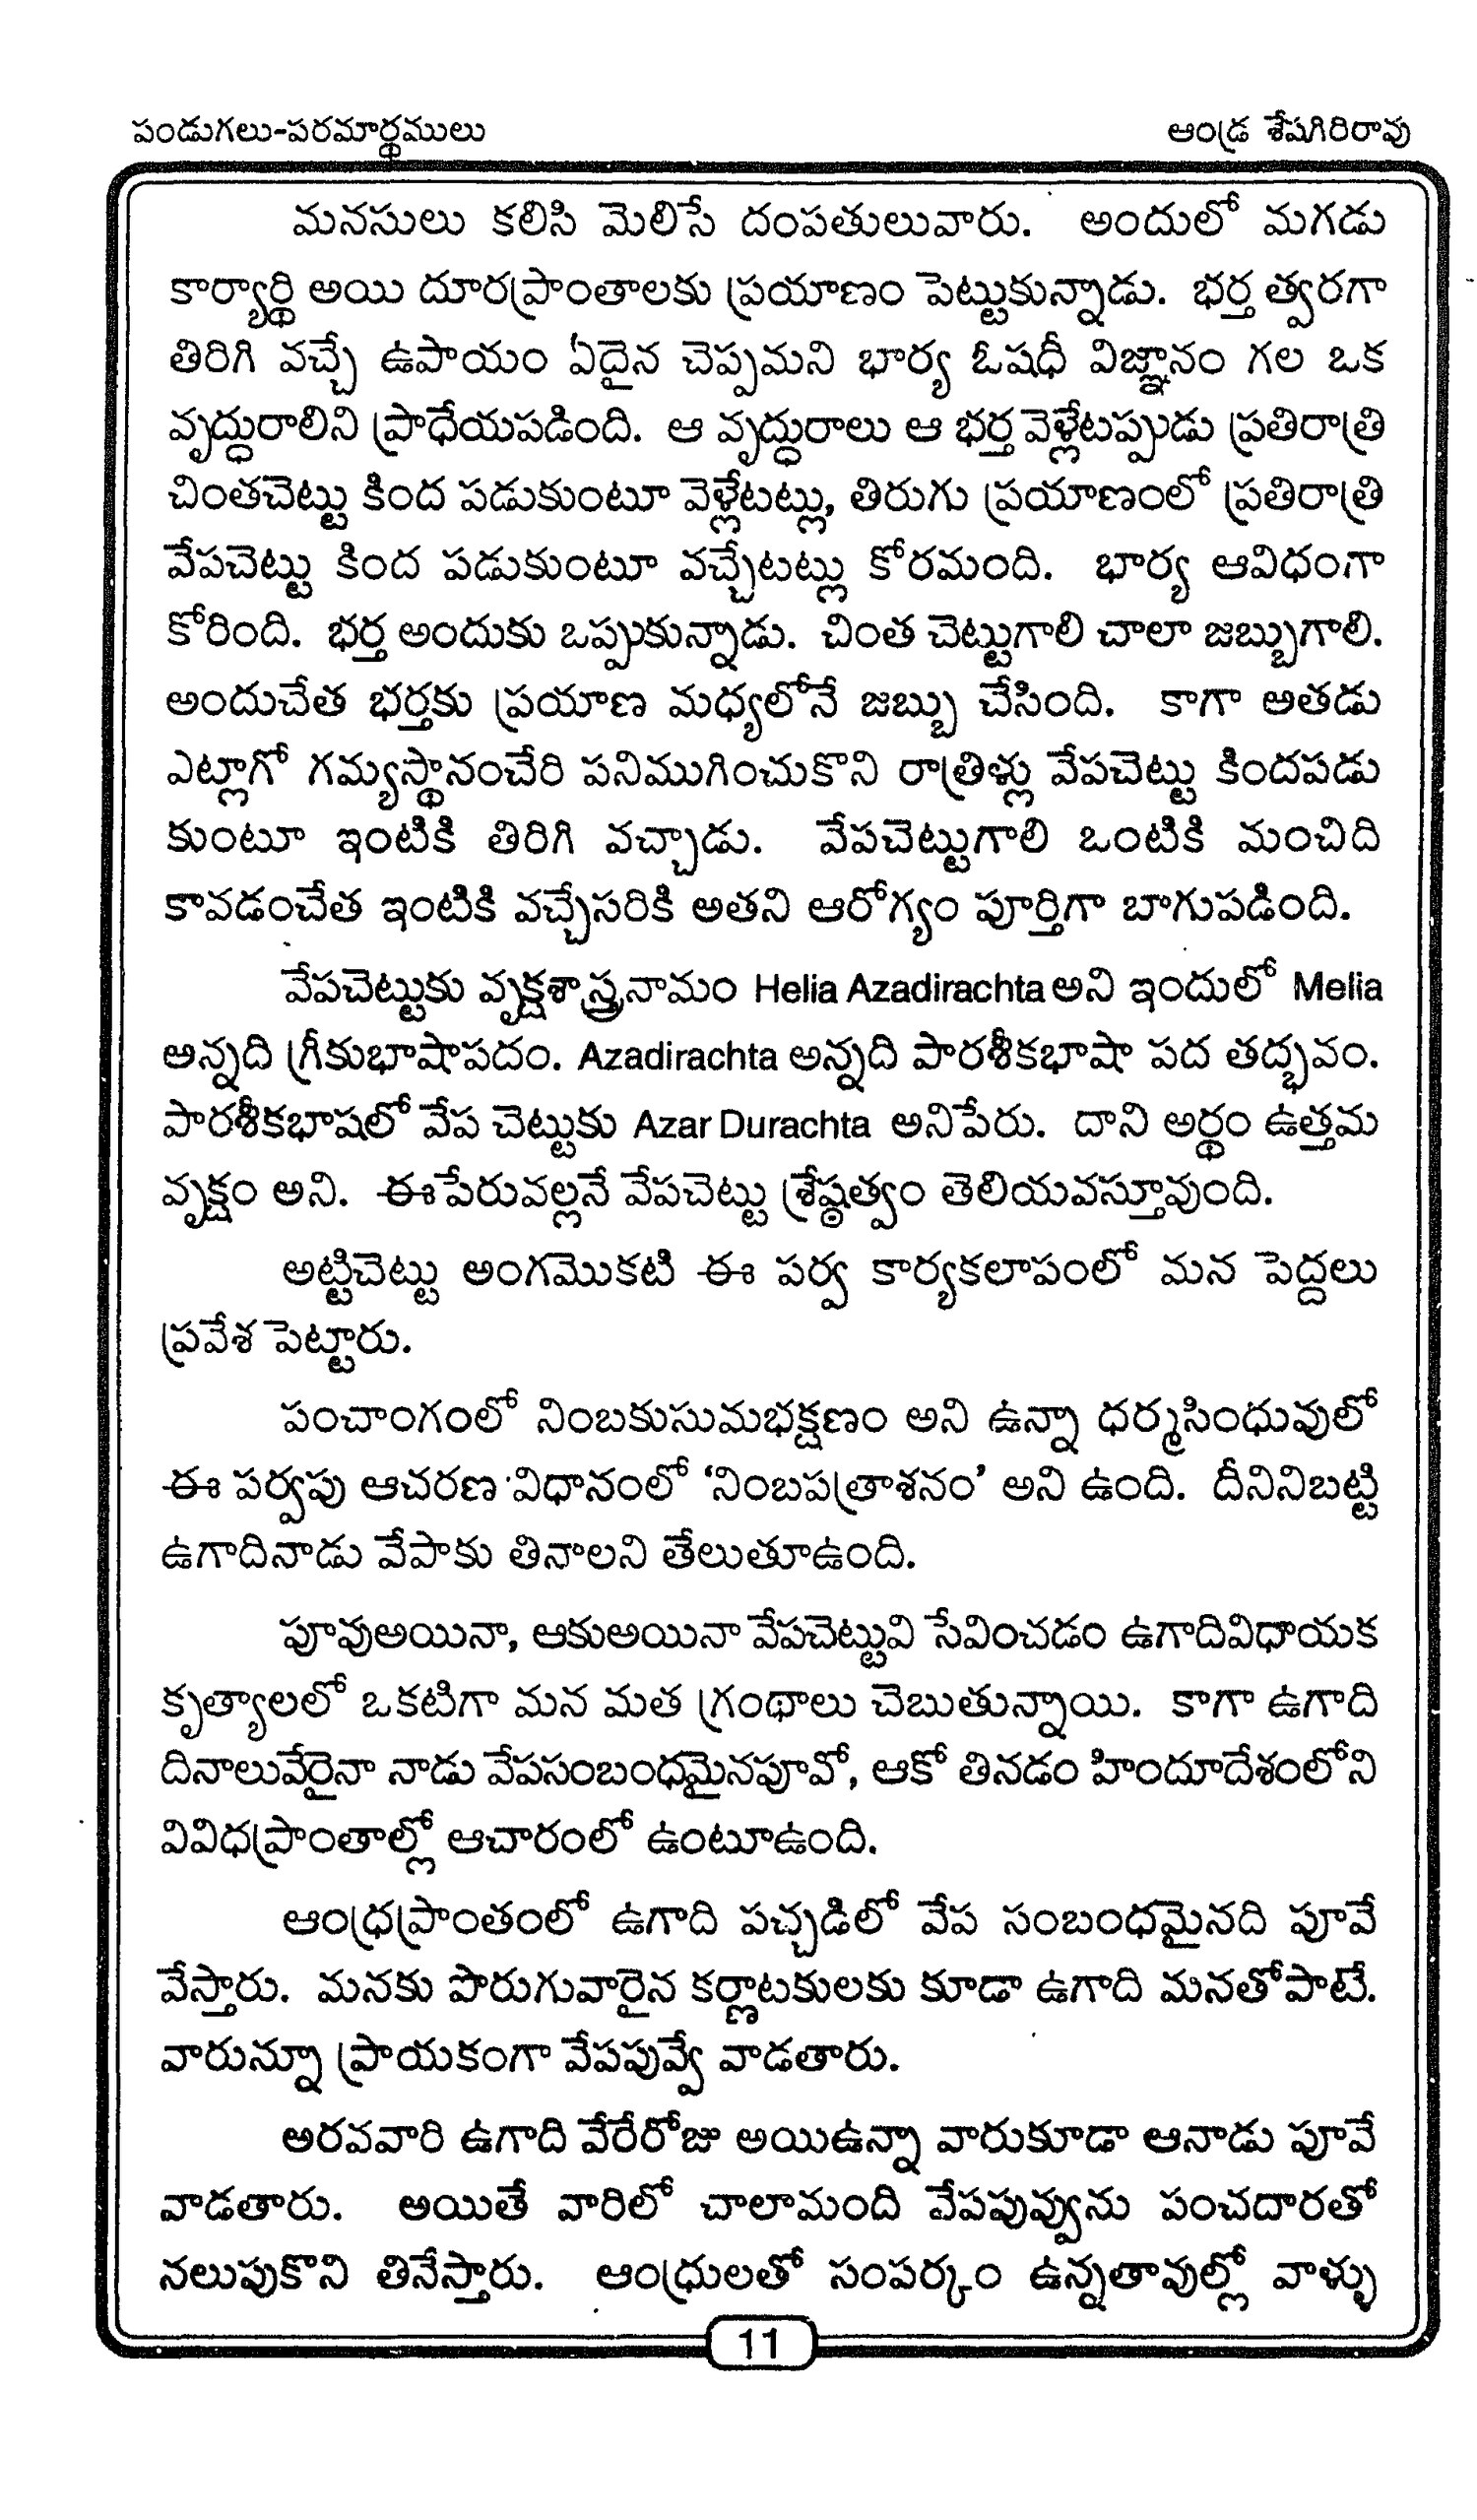మనసులు కలిసి మెలిసే దంపతులువారు. అందులో మగడు కార్యార్ధి అయి దూరప్రాంతాలకు ప్రయాణం పెట్టుకున్నాడు. భర్తత్వరగా తిరిగి వచ్చే ఉపాయం ఏదైన చెప్పమని భార్య ఓషధీ విజ్ఞానం గల ఒక వృద్ధురాలిని ప్రాధేయపడింది. ఆ వృద్దురాలు ఆ భర్తవెళ్లేటప్పుడు ప్రతిరాత్రి చింతచెట్టు కింద పడుకుంటూ వెళ్లేటట్లు తిరుగు ప్రయాణంలో ప్రతిరాత్రి వేపచెట్టు కింద పడుకుంటూ వచ్చేటట్లు కోరమంది. భార్య ఆవిధంగా కోరింది. భర్త అందుకు ఒప్పుకున్నాడు. చింతచెట్టుగాలి చాలా జబ్బుగాలి. అందుచేత భర్తకు ప్రయాణ మధ్యలో జబ్బు చేసింది. కాగా అతడు ఎట్లాగో గమ్యస్థానంచేరి పనిముగించుకొని రాత్రిళ్లు వేపచెట్టు కిందపడుకుంటూ ఇంటికి తిరిగి వచ్చాడు. వేపచెట్టుగాలి ఒంటికి మంచిది కావడంచేత ఇంటికి వచ్చేసరికి అతని ఆరోగ్యం పూర్తిగా బాగుపడింది.
 వేపచెట్టుకు వృక్షశాస్త్రనామం Helia Azadirachta అని ఇందులోఫ్ Melia అన్నది గ్రీకుభాషాపదం, Azadirachta అన్నది పారశీకభాషా పద తద్బవం. పారశీకభాషలో వేప చెట్టుకు Azar Durachta అని పేరు. దాని అర్ధం ఉత్తమ వృక్షం అని. ఈపేరువల్లనే వేపచెట్టు శ్రేష్ఠత్వం తెలియవస్తూవుంది.
 అట్టిచెట్టు అంగమొకటి ఈ పర్వ కార్యకలాపంలో మన పెద్దలు ప్రవేశపెట్టారు.
 పంచాంగంలో నింబకుసుమభక్షణం అని ఉన్నా ధర్మసింధువులో ఈ పర్వపు ఆచరణ్ విధానంలో 'నింబపత్రాశవం ' అని ఉంది. దీనినిబట్టి ఉగాదినాడు వేపాకు తినాలని తేలుతూఉంది.
 పూవూయినా, ఆకు అయినా వేపచెట్టుని సేవించడం ఉగాదివిధాయక కృత్యాలలో ఒకటిగా మన మత గ్రంధాలు చెబుతున్నాయి. కాగా ఉగాది దినాలువేరైనా నాడు వేపసంబంధమైనపూవో, ఆకో తినడం హిందూదేశంలోని వివిధప్రాంతాల్లో ఆచారంలో ఉంటూఉంది.
 ఆంధ్రప్రాంతంలో ఉగాది పచ్చడిలో వేప సంబంధమైనది పూవే వేస్తారు. మనకు పొరుగువారైన కర్ణాటకులకు కూడా ఉగాది మనతోపాటే. వారున్నూ ప్రాయకంగా వేపపువ్వే వాడతారు.
 అరవవారి ఉగారి వేరేరోజు అయిఉన్నా వారుకూడా ఆనాడు పూవే వాడతారు. అయితే వారిలో చాలామంది వేపపువ్వును పంచదారతో నలుపుకొని తినేస్తారు. ఆంధ్రులతో సమర్కం ఉన్నతావుల్లో వాళ్ళు